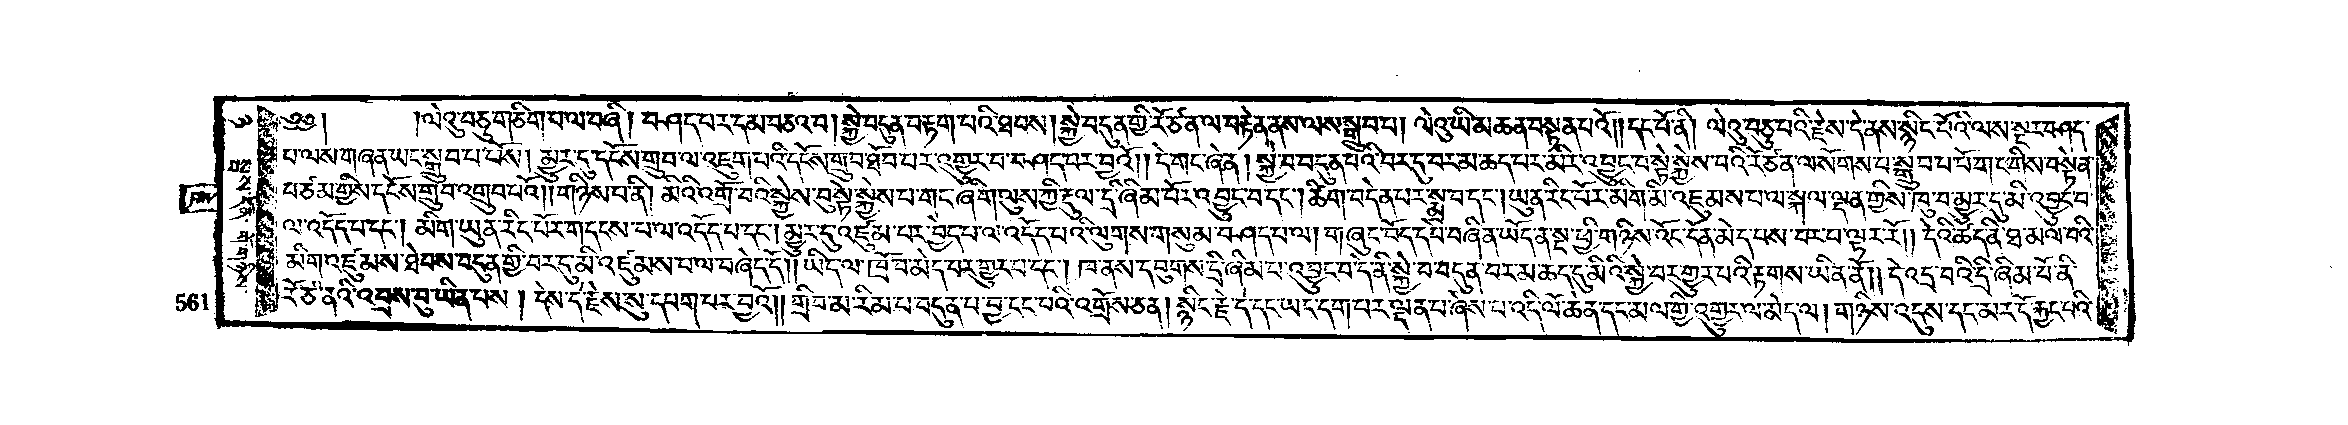༄༅། །ལེའུ་བཅུ་གཅིག་པ་ལ་བཞི། བཤད་པར་དམ་བཅའ་བ། སྐྱེ་བདུན་བརྟག་པའི་ཐབས། སྐྱེ་བདུན་གྱི་རོ་ཙ་ན་ལ་བརྟེན་ནས་ལས་སྒྲུབ་པ། ལེའུ་ཡི་མཚན་བསྟན་པའོ། །དང་པོ་ནི། ལེའུ་བཅུ་པའི་རྗེས་དེ་ནས་སྙིང་པོའི་ལས་སྔར་བཤད་
པ་ལས་གཞན་ཡང་སྒྲུབ་པ་པོས། མྱུར་དུ་དངོས་གྲུབ་ལ་འཇུག་པའི་དངོས་གྲུབ་ཐོབ་པར་འགྱུར་བ་བཤད་པར་བྱའོ། །དེ་གང་ཞེ་ན། སྐྱེ་བ་བདུན་པའི་བར་དུ་བར་མ་ཆད་པར་མིར་འབྱུང་བ་སྟེ་སྐྱེས་པའི་རོ་ཙ་ན་ལ་སོགས་པ་སྒྲུབ་པ་པོ་གང་གིས་བསྟེན་
པ་ཙམ་གྱིས་དངོས་གྲུབ་འགྲུབ་པའོ། །གཉིས་པ་ནི། མིའི་འགྲོ་བའི་སྐྱེས་བུ་སྟེ་སྐྱེས་པ་གང་ཞིག་ལུས་ཀྱི་རྡུལ་དྲི་ཞིམ་པོར་འབྱུང་བ་དང་། ཚིག་བདེན་པར་སྨྲ་བ་དང་། ཡུན་རིང་པོར་མིག་མི་འཛུམས་པ་ལ་སྐལ་ལྡན་གྱིས་ཁུ་བ་མྱུར་དུ་མི་འབྱུང་བ་
ལ་འདོད་པ་དང་། མིག་ཡུན་རིང་པོར་གདངས་པ་ལ་འདོད་པ་དང་། མྱུར་དུ་འཛུམ་པར་བྱེད་པ་ལ་འདོད་པའི་ལུགས་གསུམ་བཤད་པ་ལ། གཞུང་བོད་དཔེ་བཞིན་ཡོད་ན་སྔ་ཕྱི་གཉིས་འོང་དོན་མེད་པས་བར་པ་ལྟར་རོ། །དེའི་ཚད་ནི་ཐ་མལ་བའི་
མིག་འཛུམས་ཐེབས་བདུན་གྱི་བར་དུ་མི་འཛུམས་པ་ལ་བཞེད་དོ། །ཡིད་ལ་ཁྲོ་བ་མེད་པར་གྱུར་པ་དང་། ཁ་ནས་དབུགས་དྲི་ཞིམ་པ་འབྱུང་བ་དེ་ནི་སྐྱེ་བ་བདུན་བར་མ་ཆད་དུ་མིའི་སྐྱེ་བར་གྱུར་པའི་རྟགས་ཡིན་ནོ། །དེ་འདྲ་བའི་དྲི་ཞིམ་པོ་ནི་
རོ་ཙ་ནའི་འབྲས་བུ་ཡིན་པས། དེས་དེ་རྗེས་སུ་དཔག་པར་བྱའོ། །གྲིབ་མ་རིམ་པ་བདུན་པ་བྱ་ངང་པའི་འགྲོས་ཅན། སྙིང་རྗེ་དེ་དང་ཡང་དག་པར་ལྡན་པ་ཞེས་པ་འདི་ལོ་ཆེན་དང་མལ་གྱི་འགྱུར་ལ་མེད་ལ། གཉིས་འདུས་དང་མར་དོ་རྐྱང་པའི་